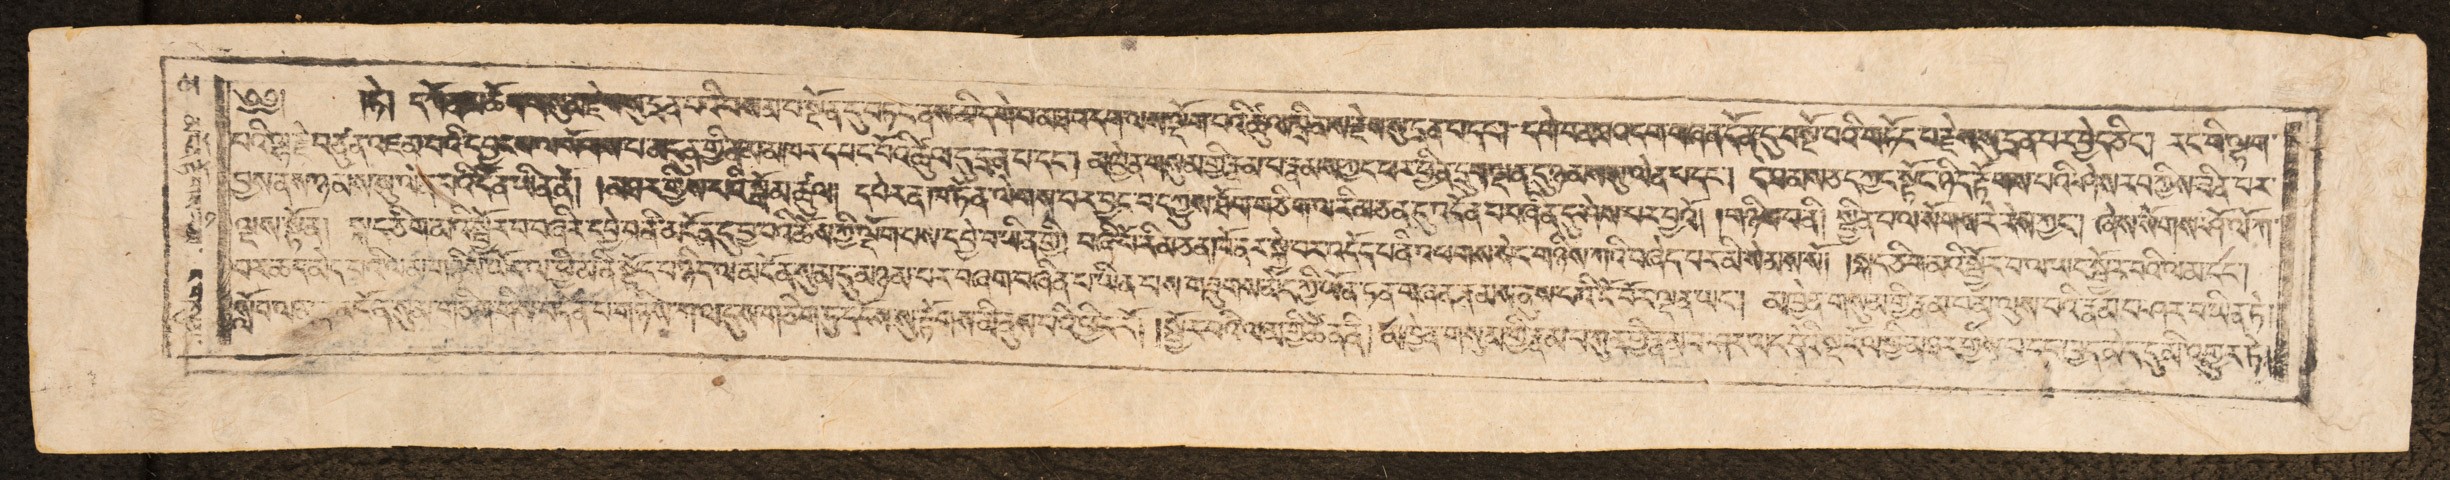༄༅། །ཏེ། དཀོན་མཆོག་གསུམ་རྗེས་སུ་དྲན་པའི་བསམ་པ་སྔོན་དུ་བཏང་ནས་མི་དགེ་བ་མཐའ་དག་ལས་ལྡོག་པའི་ཚུལ་ཁྲིམས་རྗེས་སུ་དྲན་པ་དང་། དགེ་བ་མཐའ་དག་གཞན་དོན་དུ་བསྔོ་བའི་གཏོང་བ་རྗེས་སུ་དྲན་པར་བྱེད་ཅིང་། རང་གི་ལྷག་
པའི་ལྷ་རྗེ་བཙུན་འཇམ་པའི་དབྱངས་ལ་སོགས་པ་མདུན་གྱི་ནམ་མཁར་དབང་པོའི་ཚུལ་དུ་དྲན་པ་དང་། མཁྱེན་གསུམ་གྱི་རྣམ་པ་རྣམས་ཀྱང་ཕར་ཕྱིན་དྲུག་ལྡན་དུ་ཉམས་སུ་ལེན་པ་དང་། དེ་ཐམས་ཅད་ཀྱང་སྟོང་ཉིད་རྟོགས་པའི་ཤེས་རབ་ཀྱིས་ཟིན་པར་
བྱས་ནས་ཉམས་སུ་ལེན་པའི་དོན་ཡིན་ནོ། །མཐར་གྱིས་པའི་སྒོམ་ཚུལ། དཔེར་ན་ཁ་ཏོན་ལེགས་པར་བྱང་བ་དཀྱུས་ཐོག་གཅིག་ལ་རིམ་ཅན་དུ་འདོན་པ་བཞིན་དུ་ཤེས་པར་བྱའོ། །གཉིས་པ་ནི། སྦྱིན་པ་ལ་སོགས་རེ་རེས་ཀྱང་། ཞེས་སོགས་ཤོ་ལོ་ཀ་
ལྔས་སྟོན། སྐད་ཅིག་མའི་སྦྱོར་བ་བཞིར་དབྱེ་བ་ནི་མངོན་དུ་བྱ་བའི་ཆོས་ཀྱི་ལྡོག་པས་དབྱེ་བ་ཡིན་གྱི། བཞི་པོ་རིམ་ཅན་ཁོ་ནར་སྐྱེ་བར་འདོད་པ་ནི་འཕགས་སེང་གཉིས་ཀའི་བཞེད་པར་མི་སེམས་སོ། །སྐད་ཅིག་མའི་སྦྱོར་བ་ལ་ཡང་སྦྱོར་བའི་ལམ་དང་།
བར་ཆད་མེད་པའི་ལམ་གཉིས་ཡོད་ལ་ཕྱི་མ་ནི་སྟོང་པ་ཉིད་ལ་མངོན་སུམ་དུ་མཉམ་པར་བཞག་བཞིན་པ་ཡིན་པས་གཟུགས་མེད་ཀྱི་ཡོན་ཏན་གཞན་རྣམས་ནུས་པའི་ངོ་བོར་ལྡན་ཡང་། མཁྱེན་གསུམ་གྱི་རྣམ་པ་མ་ལུས་པའི་རྣམ་པ་ཤར་བ་ཡིན་ཏེ།
སློབ་ལམ་ན་མངོན་སུམ་གཅིག་གིས་བདེན་པ་གཉིས་ཀ་ལ་དུས་གཅིག་ཏུ་དངོས་སུ་རྟོགས་མི་ནུས་པའི་ཕྱིར་རོ། །སྦྱོར་བའི་ལམ་གྱི་ཚེ་ན་ནི། མཁྱེན་གསུམ་གྱི་རྣམ་པ་ཀུན་གྱི་རྣམ་པ་ཤར་ཡང་དེའི་སྔ་རོལ་གྱི་མཐར་གྱིས་པ་དང་ཁྱད་མེད་དུ་མི་འགྱུར་ཏེ།